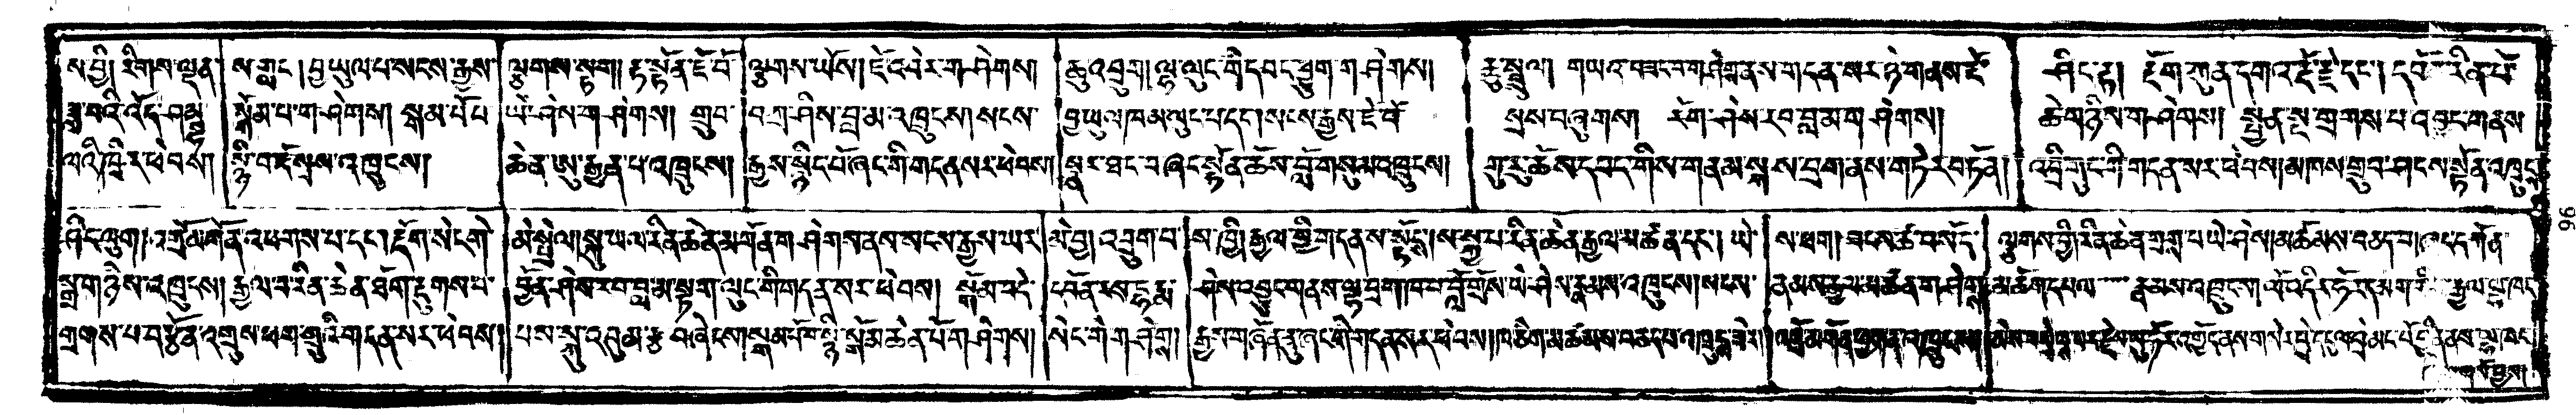ས་བྱི། རིགས་ལྡན་ས་གླང་། བྱ་ཡུལ་པ་སངས་རྒྱས་ལྕགས་སྟག། རྟ་སྟོན་ཇོ་བོ་ལྕགས་ཡོས། ཇོ་འབེར་གཤེགས། ཆུ་འབྲུག་ལྷ་ལུང་གི་དབང་ཕྱུག་གཤེགས། རྩུ?་སྦྲུལ། གཡའ་བཟང་བ་གཤེགས་ནས་གདན་སར་ཉེ་གནས་རྔོ་ཤིང་རྟ། རྡོག་ཀུན་དགའ་རྡོ་རྗེ་དང་། དབོ?་རིན་པོ་
ཟླ་བའི་འོད་ཤམྦྷ་སྒོམ་པ་གཤེགས། སྒམ་པོ་པ་ཡེ་ཤེས་གཤེགས། གྲུབ་བཀྲ་ཤིས་བླ་མ་འཁྲུངས། སངས་བྱ་ཡུལ་ཁམ་ལུང་པ་དང་། སངས་རྒྱས་ཇེ་བོ་སྲས་བཞུགས། རོག་ཤེས་རབ་བླ་མ་གཤེགས། ཆེ་གཉིས་གཤེགས། སྤྱན་སྔ་གྲགས་པ་འབྱང་གནས་
ལའི་ཁྲིར་ཕེབས། སྙི་བ་ཇི?་སྲས་འཁྲུངས། ཆེན་ཨུ་རྒྱལ་པ་ཁྲུངས། རྒྱས་སྙིང་པོ་ཞིང་གི་གདན་སར་ཕེབས། སྣར་ཐང་བཞང་སྟོན་ཆོས་བློ་གསུམ་འཁྲུངས། གུ་རུ་ཆོས་དབང་གིས་གནས་སྐས་བྲག་ནས་གཏེར་བཏོན། འབྲི་གུང་གི་གདན་སར་ཕེབས། མཁས་གྲུབ་ཤངས་སྟོན་འཁྲུངས་
ཤིང་ལུག། འགྲོལ་གོན་འཕགས་པ་དང་། རྡོག་སེང་གེ་མེ་སྤྲེལ། སྐུ་ཡལ་རིན་ཆེན་མགོན་གཤེགས་ནས་སངས་རྒྱས་ཡར། མེ་བྱ། འབྲུག་བ་ས་ཁྱི། རྒྱལ་གྱི་གདན་ས་སྟོངས། ས་སྐྱ་པ་རིན་ཆེན་རྒྱལ་ས་ཚན་དང་། ཡེ་ས་ཐག། ཐང?་ཚ་བསོད་ལྕགས་བྱི། རིན་ཆེན་གྲགས་ཡེ་ཤེས། མཚམས་བཅད་པ། འད?་དཀོན་
སྒྲ་གཉིས་འཁྲུངས། རྒྱལ་བ་རིན་ཆེན་ཐོག་རྡུགས་པ་བྱོན་ཤེས་རབ་བླ་མ་སྟག་ལུང་གི་གདན་སར་ཕེབས། སྒོམ་བདེ་དབོན་རས་དྷརྨ་ཤེས་འབྱུང་གནས་ལྷ་བྲག་ཁང་བློ་གྲོས་ཡེ་ཤེས་རྣམས་འཁྲུངས། སངས་ནམས་རྒྱལ་མཚན་གཤེགས་མཆོག་དཔལ་རྣམས་འཁྲུངས། ལོ་འདིར་ཧོར་ནམ་གཅི?་རྒྱལ་ལྷ་ཁང་
གྲགས་པ་བརྩོན་འགྲུས་ཕག་གྲུའི་གདན་སར་ཕེབས། པས་སྐུ་འབུམ་རྩ་བཞེངས། སྒམ་པོ་བསྙི་སྒོམ་ཆེན་པོ་གཤེགས། སེང་གེ་གཤེགས། རྒྱས་གཞོན་ནུ་ཞང་གི་གདན་སར་ཕེབས། ཁ་ཅིག་མཚམས་བཅད་པ་འཁྲུངས་ཟེར། འགྲོ་མགོན་ཕྱག་ན་འཁྲུངས། མེས་??་སར་ཅེས?་ལུ་ཏོར་འགྱོད་ནས་གསེར་བྲེ་དངུལ་བྲེ་མང་པོ་དུ་ནི་ནས་ལྷ་ཁང་གསོ?་བྱས།